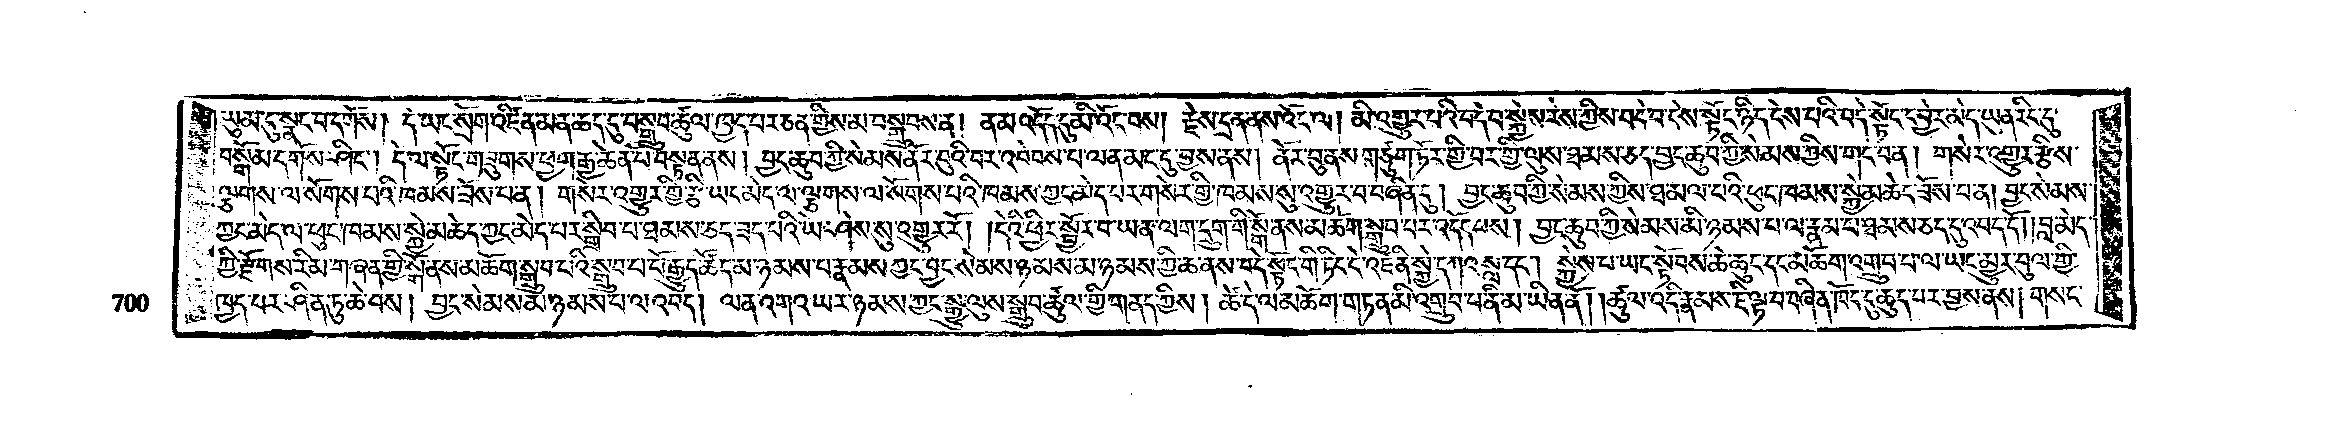ཡུམ་དུ་སྣང་བ་དགོས། དེ་ཡང་སྲོག་འཛིན་མན་ཆད་དུ་བསྒྲུབ་ཚུལ་ཁྱད་པར་ཅན་གྱིས་མ་བསྒྲུབས་ན། ནམ་འདོད་དུ་མི་འོང་བས། རྗེས་དྲན་ནས་འོང་ལ། མི་འགྱུར་པའི་བདེ་བ་སྐྱེས་རེས་ཀྱིས་བདེ་བ་དེས་སྟོང་ཉིད་ངེས་པའི་བདེ་སྟོང་དབྱེར་མེད་ཡུན་རིང་དུ་
བསྒོམ་དགོས་ཤིང་། དེ་ལ་སྟོང་གཟུགས་ཕྱག་རྒྱ་ཆེན་པོ་བསྟན་ནས། བྱང་ཆུབ་ཀྱི་སེམས་ནོར་བུའི་བར་འབེབས་པ་ལན་མང་དུ་བྱས་ནས། ནོར་བུ་ནས་གཙུག་ཏོར་གྱི་བར་གྱི་ལུས་ཐམས་ཅད་བྱང་ཆུབ་ཀྱི་སེམས་ཀྱིས་གང་བ་ན། གསེར་འགྱུར་རྩིས་
ལྕགས་ལ་སོགས་པའི་ཁམས་ཟོས་པ་ན། གསེར་འགྱུར་གྱི་རྩི་ཡང་མེད་ལ་ལྕགས་ལ་སོགས་པའི་ཁམས་ཀྱང་མེད་པར་གསེར་གྱི་ཁམས་སུ་འགྱུར་བ་བཞིན་དུ། བྱང་ཆུབ་ཀྱི་སེམས་ཀྱིས་ཐ་མལ་པའི་ཕུང་ཁམས་སྐྱེ་མཆེད་ཟོས་པ་ན། བྱང་སེམས་
ཀྱང་མེད་ལ་ཕུང་ཁམས་སྐྱེ་མཆེད་ཀྱང་མེད་པར་སྒྲིབ་པ་ཐམས་ཅད་ཟད་པའི་ཡེ་ཤེས་སུ་འགྱུར་རོ། །དེའི་ཕྱིར་སྦྱོར་བ་ཡན་ལག་དྲུག་གི་སྒོ་ནས་མཆོག་སྒྲུབ་པར་འདོད་པས། བྱང་ཆུབ་ཀྱི་སེམས་མི་ཉམས་པ་ལ་རྣམ་པ་ཐམས་ཅད་དུ་འབད་དོ། །བླ་མེད་
ཀྱི་རྫོགས་རིམ་གཞན་གྱི་སྒོ་ནས་མཆོག་སྒྲུབ་པའི་སྒྲུབ་པ་པོ་རྒྱུད་ཚོད་མ་ཉམས་པ་རྣམས་ཀྱང་བྱང་སེམས་ཉམས་མ་ཉམས་ཀྱི་ཆ་ནས་བདེ་སྟོང་གི་ཏིང་ངེ་འཛིན་སྐྱེ་དཀའ་སླ་དང་། སྐྱེས་པ་ཡང་སྟོབས་ཆེ་ཆུང་དང་མཆོག་འགྲུབ་པ་ལ་ཡང་མྱུར་བུལ་གྱི་
ཁྱད་པར་ཤིན་ཏུ་ཆེ་བས། བྱང་སེམས་མི་ཉམས་པ་ལ་འབད། ལན་འགའ་ཡང་ཉམས་ཀྱང་སྒྱུ་ལུས་སྒྲུབ་ཚུལ་གྱི་གནད་ཀྱིས། ཚེ་དེ་ལ་མཆོག་གཏན་མི་འགྲུབ་པ་ནི་མ་ཡིན་ནོ། །ཚུལ་འདི་རྣམས་ཇི་ལྟ་བ་བཞིན་ཁོང་དུ་ཆུད་པར་བྱས་ནས། གསང་